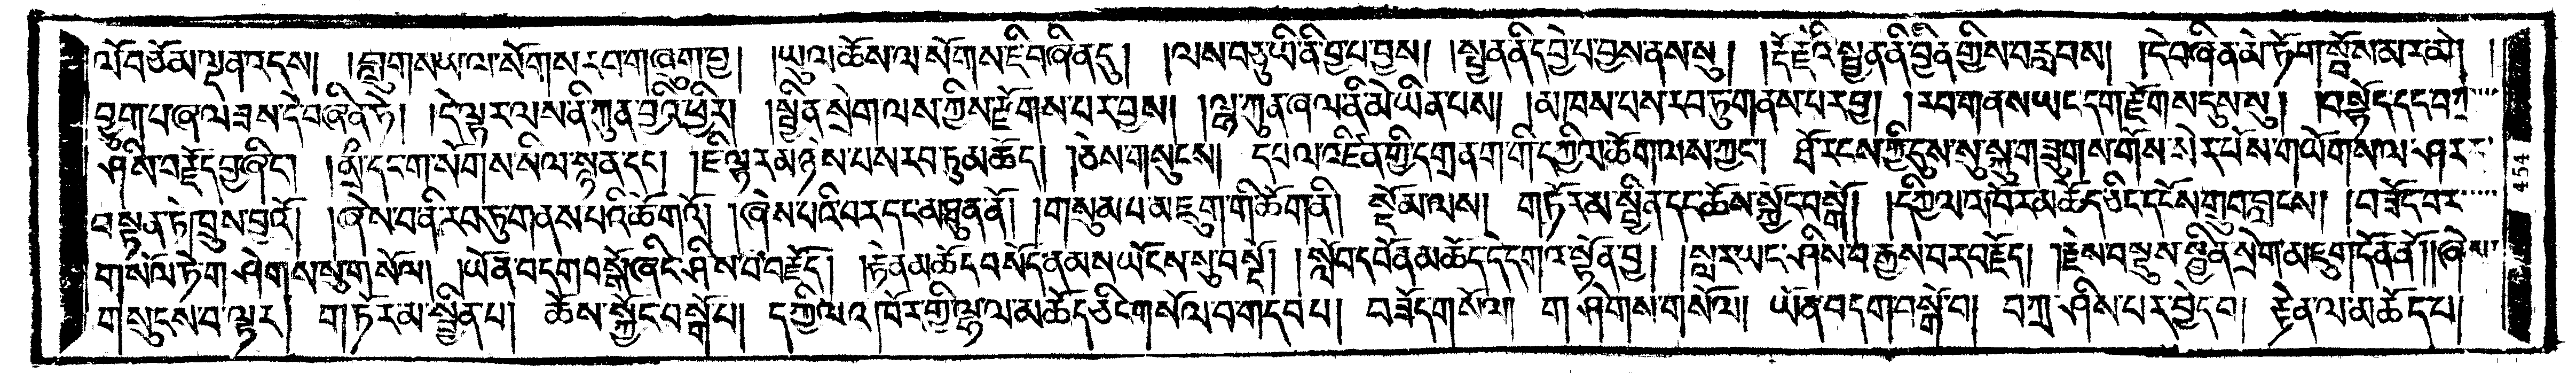ལོ་བཅོམ་ལྡན་འདས། །བླུགས་ཡ་ལ་སོགས་རབ་གཞུག་བྱ། །ཡུལ་ཆོས་ལ་སོགས་ཇི་བཞིན་དུ། །ལས་བཅུ་ཡི་ནི་བྱ་བ་བྱས། །སྤྱན་ནི་དབྱེ་པ་བྱས་ནས་སུ། །རྡོ་རྗེའི་སྦྱན་ནི་བྱིན་གྱིས་བརླབས། །དེ་བཞིན་མེ་ཏོག་སྦོས་མར་མེ། །
བྱུག་པ་ཞལ་ཟས་དེ་བཞིན་ཏེ། །དེ་ལྟར་ལས་ནི་ཀུན་བྱའི་ཕྱིར། །སྦྱིན་སྲེག་ལས་ཀྱིས་རྫོགས་པར་བྱས། །ལྷ་ཀུན་ཞལ་ནི་མེ་ཡིན་པས། །མཁས་པས་རབ་ཏུ་གནས་པར་བྱ། །རབ་གནས་ཡང་དག་རྫོགས་དུས་སུ། །བསྟོད་དང་བཀྲ?
ཤིས་བརྗོད་བྱ་ཞིང་། །མྲྀ་དང་ག་སོགས་སིལ་སྙན་དང་།ཇི་ལྟར་མཉེས་པར་རབ་ཏུ་མཆོད། །ཅེས་གསུངས། །དཔལ་འཛིན་གྱི་དགྲ་ནག་གི་དཀྱིལ་ཆོག་ལས་ཀྱང་། ཐོ་རངས་ཀྱི་དུས་སུ་སྐུ་གཟུགས་གོས་སེར་པོས་གཡོགས་ལ་ཤར?
བསྟན་ཏེ་ཁྲུས་བྱའོ། །ཞེས་པ་ནི་རབ་ཏུ་གནས་པའི་ཆོ་གའོ། །ཞེས་པའི་བར་དང་མཐུན་ནོ། །གསུམ་པ་འཇུག་གི་ཆོ་ག་ནི། སྡོམ་ལས། གཏོར་མ་སྦྱིན་དང་ཆོས་སྐྱོང་བསྒོ། །དཀྱིལ་འཁོར་མཆོད་ཅིང་དངོས་གྲུབ་བླངས། །བཟང་བར་
གསོལ་ཏེ་གཤེགས་སུ་གསོལ། །ཡོན་བདག་བསྒོ་ཞིང་ཤིས་བ་བརྗོད། །རྟེན་མཆོད་བསོད་ནམས་ཡོངས་སུ་བསྔོ། །སློབ་དཔོན་མཆོད་དེ་དགའ་སྟོན་བྱ། །སླར་ཡང་ཤིས་བརྒྱས་པར་བརྗོད། །རྗེས་བསྡུས་སྦྱིན་སྲེག་མཇུག་དོན་ནོ། །ཞེས་
གསུངས་བ་ལྟར། །གཏོར་མ་སྦྱིན་པ། ཆོས་སྐྱོང་བགོ་པ། དཀྱིལ་འཁྲོ་གྱི་ལྷ་མཆོད་ཅིང་གསོལ་བ་གདབ་པ། བཟོད་གསོལ། གཤེགས་གསོལ། ཡོན་བདག་བསྒོ་བ། བཀྲ་ཤིས་པར་བྱེད་བ། རྟེན་ལ་མཆོད་པ།